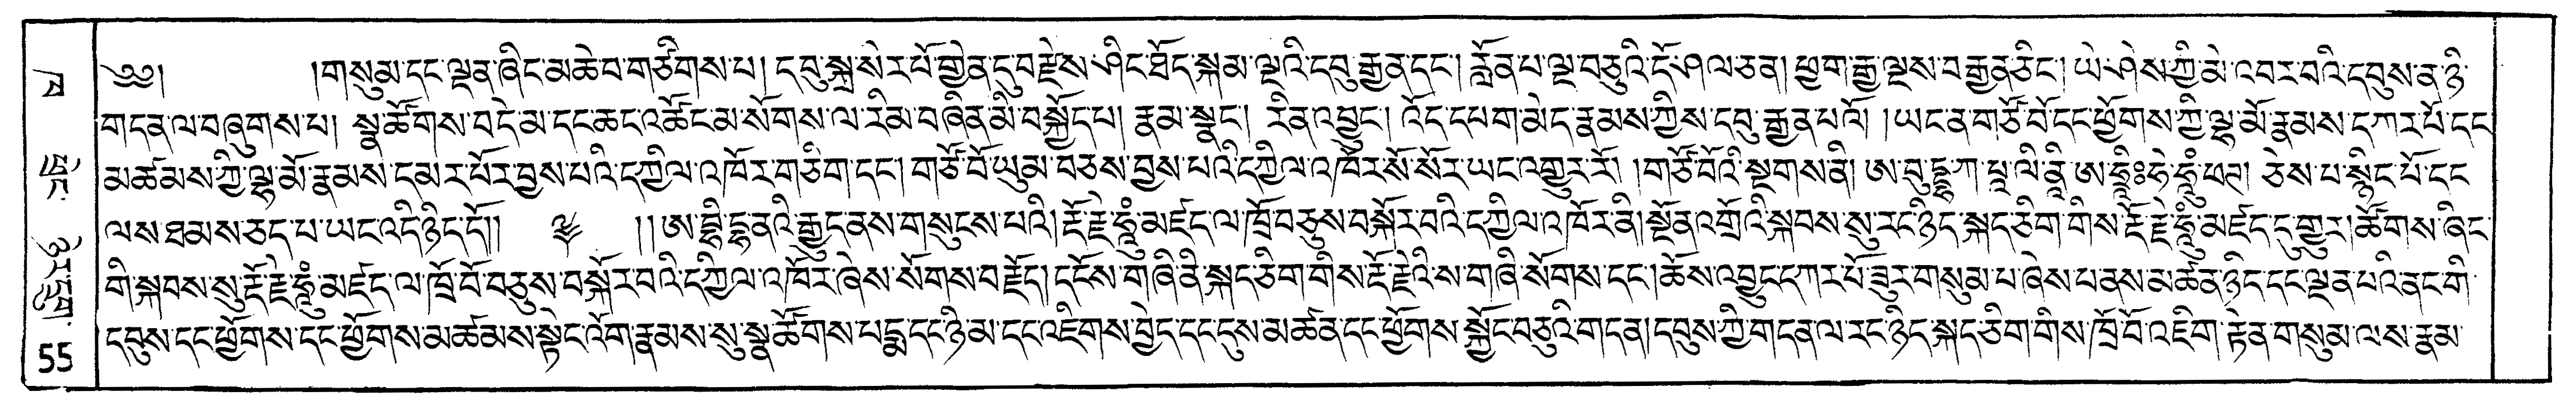༄༅། །གསུམ་དང་ལྡན་ཞིང་མཆེ་བ་གཙིགས་པ། དབུ་སྐྲ་སེར་པོ་གྱེན་དུ་བརྫེས་ཤིང་ཐོད་སྐམ་ལྔའི་དབུ་རྒྱན་དང་། རློན་པ་ལྔ་བཅུའི་དོ་ཤལ་ཅན། ཕྱག་རྒྱ་ལྔས་བརྒྱན་ཅིང་། ཡེ་ཤེས་ཀྱི་མེ་འབར་བའི་དབུས་ན་ཉི་
གདན་ལ་བཞུགས་པ། སྣ་ཚོགས་བདེ་མ་དང་ཆང་འཚོང་མ་སོགས་ལ་རིམ་བཞིན་མི་བསྐྱོད་པ། རྣམ་སྣང་། རིན་འབྱུང་། འོད་དཔག་མེད་རྣམས་ཀྱིས་དབུ་རྒྱན་པའོ། །ཡང་ན་གཙོ་བོ་དང་ཕྱོགས་ཀྱི་ལྷ་མོ་རྣམས་དཀར་པོ་དང་
མཚམས་ཀྱི་ལྷ་མོ་རྣམས་དམར་པོར་བྱས་པའི་དཀྱིལ་འཁོར་གཅིག་དང་། གཙོ་བོ་ཡུམ་བཅས་བྱས་པའི་དཀྱིལ་འཁོར་སོ་སོར་ཡང་འགྱུར་རོ། །གཙོ་བོའི་སྔགས་ནི། ཨ་བུ་དྡྷ་ཀ་པཱ་ལི་ནཱི་ཨ་ཧྲཱིཿ ཧེ་ཧཱུཾ་ཕཊ། ཅེས་པ་སྙིང་པོ་དང་
ལས་ཐམས་ཅད་པ་ཡང་འདི་ཉིད་དོ།། ༈ །།ཨ་བྷི་དྷ་ནའི་རྒྱུད་ནས་གསུངས་པའི། རྡོ་རྗེ་ཧཱུཾ་མཛད་ལ་ཁྲོ་བཅུས་བསྐོར་བའི་དཀྱིལ་འཁོར་ནི། སྔོན་འགྲོའི་སྐབས་སུ་རང་ཉིད་སྐད་ཅིག་གིས་རྡོ་རྗེ་ཧཱུཾ་མཛད་དུ་གྱུར། ཚོགས་ཞིང་
གི་སྐབས་སུ་རྡོ་རྗེ་ཧཱུཾ་མཛད་ལ་ཁྲོ་བོ་བཅུས་བསྐོར་བའི་དཀྱིལ་འཁོར་ཞེས་སོགས་བརྗོད། དངོས་གཞི་ནི་སྐད་ཅིག་གིས་རྡོ་རྗེའི་ས་གཞི་སོགས་དང་། ཆོས་འབྱུང་དཀར་པོ་ཟུར་གསུམ་པ་ཞེས་པ་ནས་མཚན་ཉིད་དང་ལྡན་པའི་ནང་གི་
དབུས་དང་ཕྱོགས་དང་ཕྱོགས་མཚམས་སྟེང་འོག་རྣམས་སུ་སྣ་ཚོགས་པདམ་དང་ཉི་མ་དང་འཇིགས་བྱེད་དང་དུས་མཚན་དང་ཕྱོགས་སྐྱོང་བཅུའི་གདན། དབུས་ཀྱི་གདན་ལ་རང་ཉིད་སྐད་ཅིག་གིས་ཁྲོ་བོ་འཇིག་རྟེན་གསུམ་ལས་རྣམ་